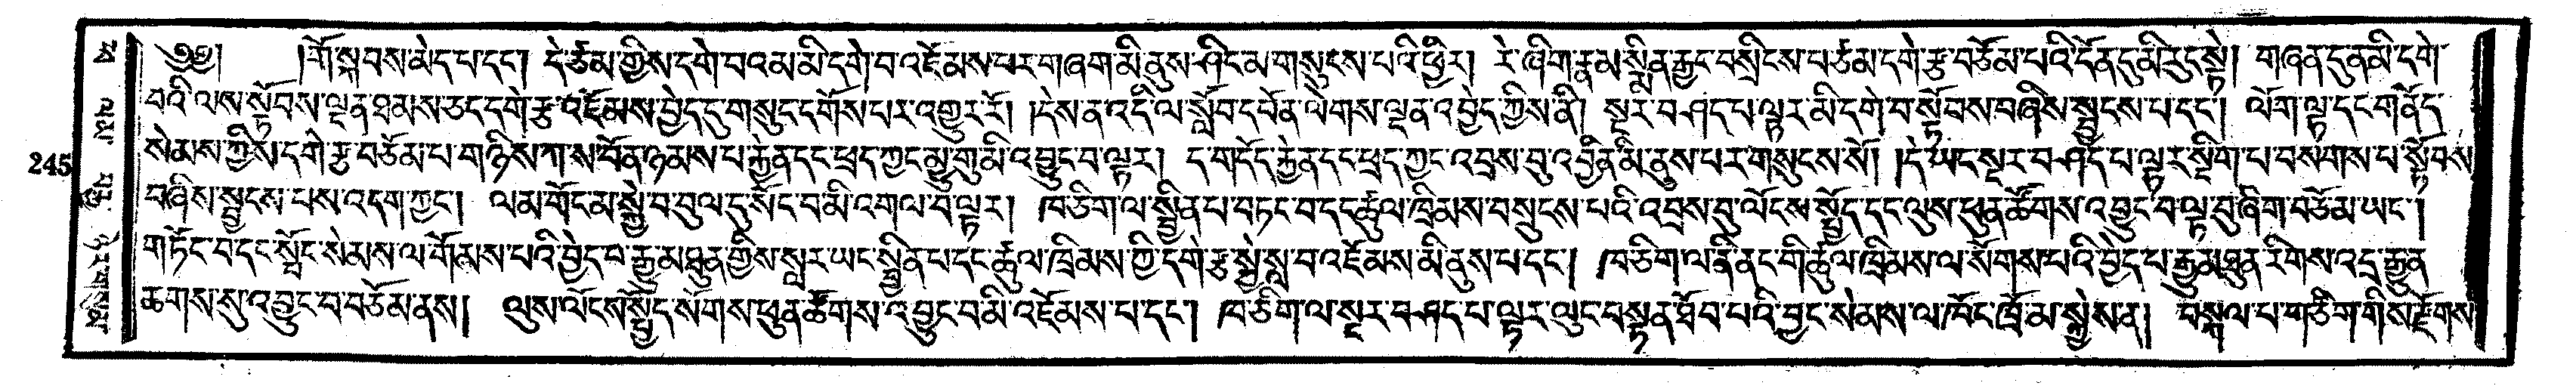༄༅། །གོ་སྐབས་མེད་པ་དང་། དེ་ཙམ་གྱིས་དགེ་བའམ་མི་དགེ་བ་འཇོམས་པར་གཞག་མི་ནུས་ཤིང་མ་གསུངས་པའི་ཕྱིར། རེ་ཞིག་རྣམ་སྨིན་རྒྱང་བསྲིངས་པ་ཙམ་དགེ་རྩ་བཅོམ་པའི་དོན་དུ་མི་རུང་སྟེ། གཞན་དུ་ན་མི་དགེ་
བའི་ལས་སྟོབས་ལྔན་ཐམས་ཅད་དགེ་རྩ་འཇོམས་བྱེད་དུ་གསུང་དགོས་པར་འགྱུར་རོ། །དེས་ན་འདི་ལ་སློབ་དཔོན་ལེགས་ལྡན་འབྱེད་ཀྱིས་ནི། སྔར་བཤད་པ་ལྟར་མི་དགེ་བ་སྟོབས་བཞིས་སྦྱངས་པ་དང་། ལོག་ལྟ་དང་གནོད་
སེམས་ཀྱིས་དགེ་རྩ་བཅོམ་པ་གཉིས་ཀ་ས་བོན་ཉམས་པ་རྐྱེན་དང་ཕྲད་ཀྱང་མྱུ་གུ་མི་འབྱུང་བ་ལྟར། ད་གདོད་རྐྱེན་དང་ཕྲད་ཀྱང་འབྲས་བུ་འབྱིན་མི་ནུས་པར་གསུངས་སོ། །དེ་ཡང་སྔར་བཤད་པ་ལྟར་སྡིག་པ་བསགས་པ་སྟོབས་
བཞིས་སྦྱངས་པས་འདག་ཀྱང་། ལམ་གོང་མ་སྐྱེ་བ་བུལ་དུ་སོང་བ་མི་འགལ་བ་ལྟར། ཁ་ཅིག་ལ་སྦྱིན་པ་བཏང་བ་དང་ཚུལ་ཁྲིམས་བསྲུངས་པའི་འབྲས་བུ་ལོངས་སྤྱོད་དང་ལུས་ཕུན་ཚོགས་འབྱུང་བ་ལྟ་བུ་ཞིག་བཅོ་མ་ཡང་།
གཏོང་བ་དང་སྦོང་སེམས་ལ་གོམས་པའི་བྱེད་བ་རྒྱུ་མཐུན་གྱིས་སླར་ཡང་སྦྱིན་པ་དང་ཚུལ་ཁྲིམས་ཀྱི་དགེ་རྩ་སྐྱེ་སླ་བ་འཇོམས་མི་ནུས་པ་དང་། ཁ་ཅིག་ལ་ནི་ནང་གི་ཚུལ་ཁྲིམས་ལ་སོགས་པའི་བྱེད་པ་རྒྱུ་མཐུན་རིགས་འདྲ་རྒྱུ་ན་
ཆགས་སུ་འབྱུང་བ་བཅོམ་ནས། ལུས་ལོངས་སྤྱོད་སོགས་ཕུན་ཚོགས་འབྱུང་བ་མི་འཇོམས་པ་དང་། ཁ་ཅིག་ལ་སྔར་བཤད་པ་ལྟར་ལུང་བསྟན་ཐོབ་པའི་བྱང་སེམས་ལ་ཁོང་ཁྲོ་མ་སྐྱེས་ན། བསྐལ་པ་གཅིག་གིས་རྫོགས་